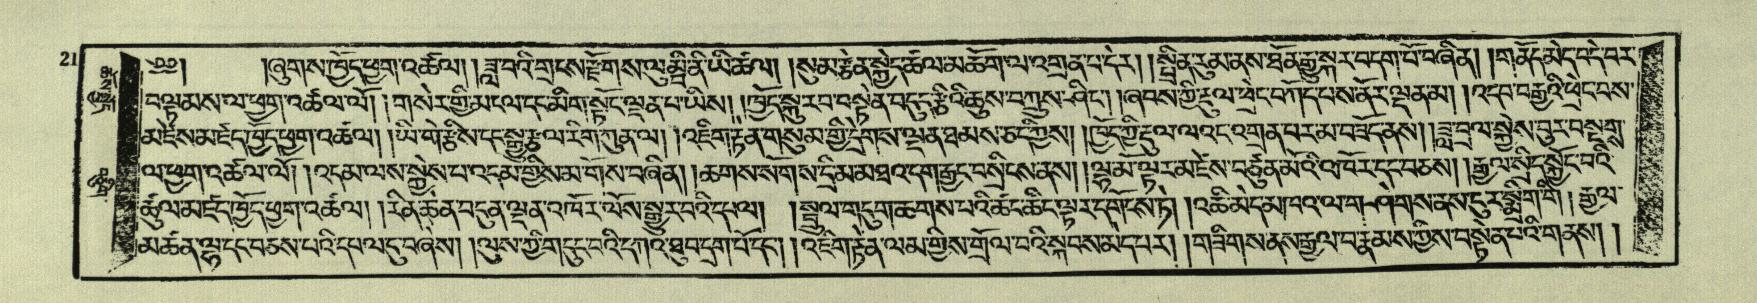༄༅། །ཞུགས་ཁྱོད་ཕྱག་འཚལ། །ཟླ་བའི་གྲངས་རྫོགས་ལུམྦི་ནི་ཡི་ཚལ། །སུམ་རྩེན་སྐྱེད་ཚལ་མཆོག་ལ་འགྲན་པ་དེར། །སྤྲིན་རུམ་ནས་ཐོན་རྒྱུ་སྐར་བདག་པོ་བཞིན། །གནོད་མེད་བདེ་བར་
བལྟམས་ལ་ཕྱག་འཚལ་ལོ། །གསེར་གྱི་མངལ་དང་མིག་སྟོང་ལྡན་པ་ཡིས། །ཁྱོད་སྐུ་རབ་བསྟེན་བདུད་རྩིའི་ཆུས་བཀྲུས་ཤིང་། །ཞབས་ཀྱི་རྡུལ་ཕྲེང་བཀོད་པས་ནོར་ལྡན་མ། །འདབ་བརྒྱའི་ཕྲེང་བས་
མཛེས་མཛད་ཁྱོད་ཕྱག་འཚལ། །ཡི་གེ་རྩིས་དང་སྒྱུ་རྩལ་རིག་ཀུན་ལ། །འཇིག་རྟེན་གསུམ་གྱི་དྲེགས་ལྡན་ཐམས་ཅད་ཀྱིས། །ཁྱོད་ཀྱི་རྡུལ་ལའང་འགྲན་པར་མ་བཟོད་ནས། །ཟླ་བྲལ་སྐྱེས་བུར་བསྔགས་
ལ་ཕྱག་འཚལ་ལོ། །འདམ་ལས་སྐྱེས་པ་འདམ་གྱིས་མ་གོས་བཞིན། །ཆགས་སོགས་དྲི་མ་མཐའ་དག་རྒྱང་བསྲིངས་ནས། །ལྷ་མོ་ལྟར་མཛེས་བཙུན་མོའི་འཁོར་དང་བཅས། །རྒྱལ་སྲིད་སྐྱོང་བའི་
ཚུལ་མཛད་ཁྱོད་ཕྱག་འཚལ། །རིན་ཆེན་བདུན་ལྡན་འཁོར་ལོས་སྒྱུར་བའི་དཔལ། །སྦྲུལ་གདུག་ཆགས་པའི་ཚང་ཆིང་ལྟར་དགོངས་ཏེ། །འཆི་མེད་མཁའ་ལ་གཤེགས་ནས་ངུར་སྨྲིག་གི །རྒྱལ་
མཚན་ལྷ་དང་བཅས་པའི་དཔལ་དུ་བཞེས། །ལུས་ཀྱི་གདུང་བའི་དཀའ་ཐུབ་དྲག་པོ་དང་། །འཇིག་རྟེན་ལམ་གྱིས་གྲོལ་བའི་སྐབས་མེད་པར། །གཟིགས་ནས་རྒྱལ་བ་རྣམས་ཀྱིས་བསྟེན་པའི་གནས། །